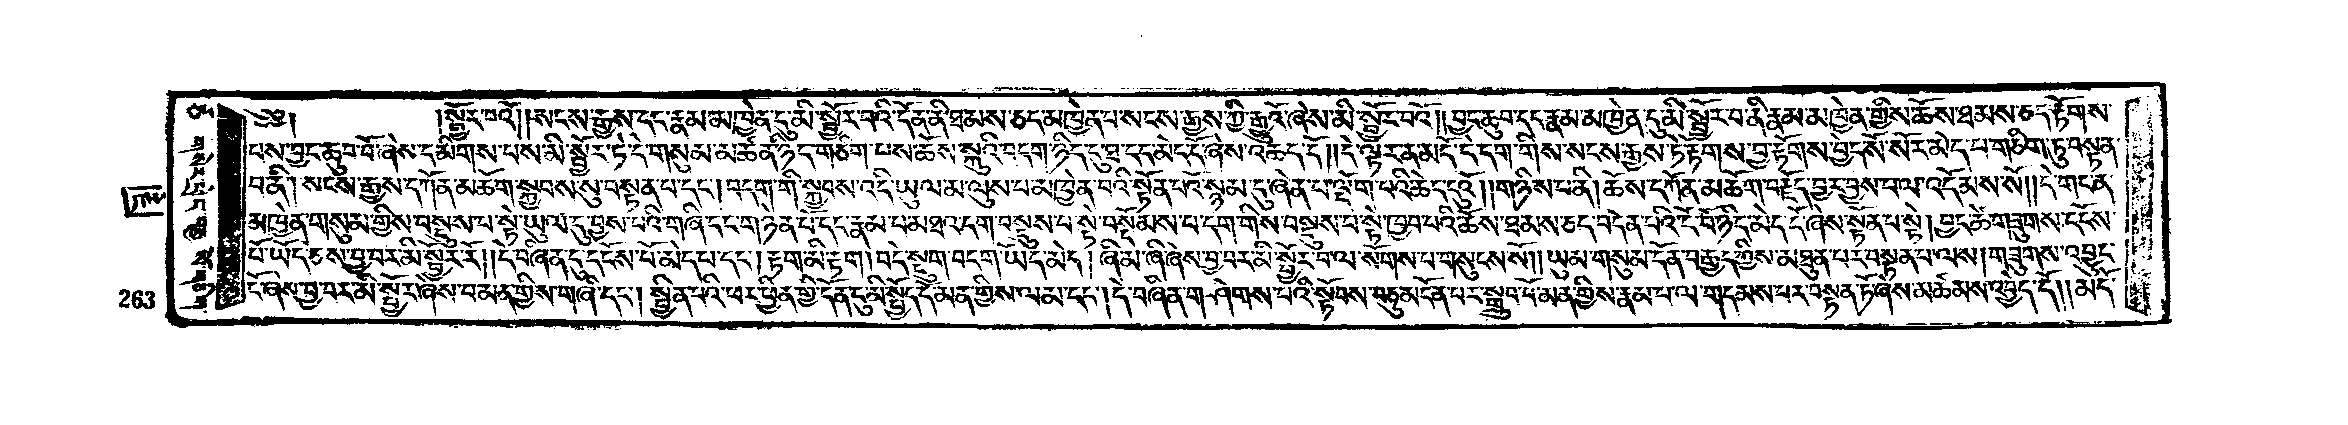༄༅། །སྦྱོར་བའོ། །སངས་རྒྱས་དང་རྣམ་མཁྱེན་དུ་མི་སྦྱོར་བའི་དོན་ནི་ཐམས་ཅད་མཁྱེན་པ་སངས་རྒྱས་ཀྱི་རྒྱུའོ་ཞེས་མི་སྦྱོར་བའོ། །བྱང་ཆུབ་དང་རྣམ་མཁྱེན་དུ་མི་སྦྱོར་བ་ནི་རྣམ་མཁྱེན་གྱིས་ཆོས་ཐམས་ཅད་རྟོགས་
པས་བྱང་ཆུབ་བོ་ཞེས་དམིགས་པས་མི་སྦྱོར་ཏེ་དེ་གསུམ་མཚན་ཉིད་གཅིག་པས་ཆོས་སྐུའི་བདག་ཉིད་དུ་ཐ་དད་མེད་དོ་ཞེས་འཆད་དོ། །དེ་ལྟར་ན་མདོ་དེ་དག་གིས་སངས་རྒྱས་ཏེ་རྟོགས་བྱ་རྟོགས་བྱེད་སོ་སོར་མེད་པ་གཅིག་ཏུ་བསྟན་
བ་ནི། སངས་རྒྱས་དཀོན་མཆོག་སྐྱབས་སུ་བསྟན་པ་དང་། བདག་གི་སྐྱབས་འདི་ཡུལ་མ་ལུས་པ་མཁྱེན་པའི་སྟོན་པའོ་སྙམ་དུ་ཞེན་པ་ལྡོག་པའི་ཆེད་དུའོ། །གཉིས་པ་ནི། ཆོས་དཀོན་མཆོག་བརྗོད་བྱར་བྱས་པ་ལ་འདོམས་སོ། །དེ་གང་ན་
མཁྱེན་གསུམ་གྱིས་བསྡུས་པ་སྟེ་ཡུལ་དུ་བྱས་པའི་གཞི་དང་གཉེན་པོ་དང་རྣམ་པ་མཐའ་དག་བསྡུས་པ་སྟེ་བསྡོམས་པ་དག་གིས་བསྡུས་པ་སྟེ་ཁྱབ་པའི་ཆོས་ཐམས་ཅད་བདེན་པའི་ངོ་བོ་ཉིད་མེད་དོ་ཞེས་སྟོན་པ་སྟེ། བྱང་ཚེ་གཟུགས་དངོས་
པོ་ཡོད་ཅེས་བྱ་བར་མི་སྦྱོར་རོ། །དེ་བཞིན་དུ་དངོས་པོ་མེད་པ་དང་། རྟག་མི་རྟག །བདེ་སྡུག་བདག་ཡོད་མེད། ཞི་མ་ཞི་ཞེས་བྱ་བར་མི་སྦྱོར་བ་ལ་སོགས་པ་གསུངས་སོ། །ཡུམ་གསུམ་དོན་བརྒྱད་ཀྱིས་མཐུན་པར་བསྟན་པ་ལས། གཟུགས་འབྱུང་
ངོ་ཞེས་བྱ་བར་མི་སྦྱོར་ཞེས་བ་མན་གྱིས་གཞི་དང་། སྦྱིན་པའི་ཕར་ཕྱིན་གྱི་དོན་དུ་མི་སྤྱོད་དོ་མན་གྱིས་ལམ་དང་། དེ་བཞིན་གཤེགས་པའི་སྟོབས་བཅུ་མངོན་པར་སྒྲུབ་བོ་མན་གྱིས་རྣམ་པ་ལ་གདམས་པར་བསྟན་ཏོ་ཞེས་མཚམས་འབྱེད་དོ། །མདོ་